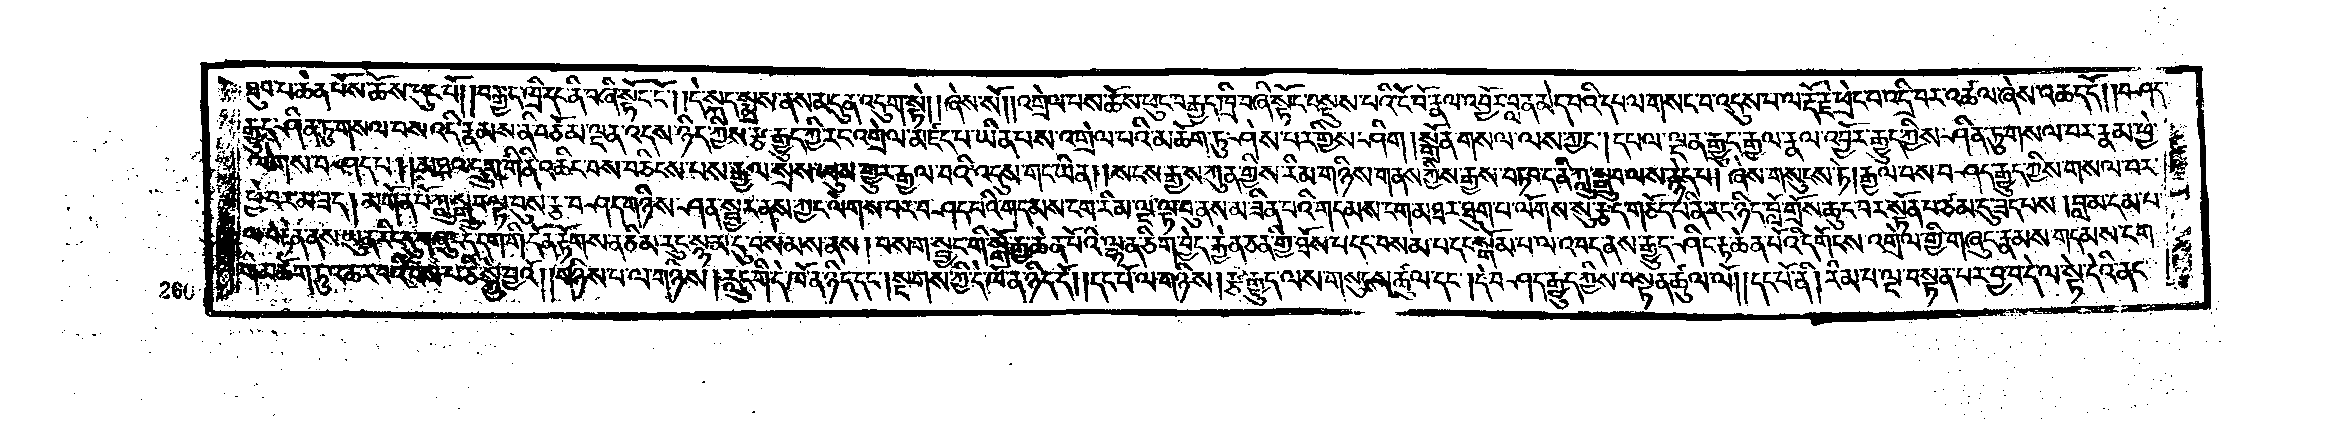ཐུབ་པ་ཆེན་པོས་ཆོས་ཕུང་པོ། །བརྒྱད་ཁྲི་དང་ནི་བཞི་སྟོང་ངོ། །དེ་སྐད་སྨྲས་ནས་མདུན་འདུག་སྟེ། །ཞེས་སོ། །འགྲེལ་པས་ཆོས་ཕུང་བརྒྱད་ཁྲི་བཞི་སྟོང་བསྡུས་པའི་ངོ་བོ་རྣལ་འབྱོར་བླ་ན་མེད་པའི་དཔལ་གསང་བ་འདུས་པ་ལ་རྡོ་རྗེ་ཕྲེང་བ་འདྲི་བར་འཚལ་ཞེས་འཆད་དོ། །བཤད་
རྒྱུད་ཤིན་ཏུ་གསལ་བས་འདི་རྣམས་ནི་བཅོམ་ལྡན་འདས་ཉིད་ཀྱིས་རྩ་རྒྱུད་ཀྱི་རང་འགྲེལ་མཛད་པ་ཡིན་པས་འགྲེལ་པའི་མཆོག་ཏུ་ཤེས་པར་གྱིས་ཤིག །སྒྲོན་གསལ་ལས་ཀྱང་། དཔལ་ལྡན་རྒྱུད་རྒྱལ་རྣལ་འབྱོར་རྒྱུད་ཀྱིས་ཤིན་ཏུ་གསལ་བར་རྣམ་ཕྱེ་
ལེགས་བཤད་པ། །མཐའ་དྲུག་གི་ནི་འཆིང་བས་བཅིངས་པས་རྒྱལ་སྲས་ཡུམ་གྱུར་རྒྱལ་བའི་འདུས་གང་ཡིན། །སངས་རྒྱས་ཀུན་གྱིས་རིམ་གཉིས་གནས་ཀྱིས་རྒྱས་བཏབ་ད་ནི་ཀླུ་སྒྲུབ་ལས་རྙེད་པ། ཞེས་གསུངས་ཏེ། རྒྱལ་བས་བཤད་རྒྱུད་ཀྱིས་གསལ་བར་
ཕྱེ་བར་མ་ཟད། མགོན་པོ་ཀླུ་སྒྲུབ་ལྟ་བུས་རྩ་བཤད་གཉིས་ཤན་སྦྱར་ནས་ཀྱང་ལེགས་པར་བཤད་པའི་གདམས་ངག་རིམ་ལྔ་ལྟ་བུ་ནས་མ་ཟིན་པའི་གདམས་ངག་མཐར་ཐུག་པ་ལེགས་སུ་རྩད་གཅོད་པ་ནི་རང་ཉིད་བློ་གྲོས་ཆུང་བར་སྟོན་པ་ཙམ་དུ་ཟད་པས། བླ་མ་དམ་པ་
ལ་བརྟེན་ནས་ཡུན་རིང་དུ་གཞུང་དེ་དག་གི་དོན་རྟོགས་ན་ཅི་མ་རུང་སྙམ་དུ་བསམས་ནས། བསག་སྦྱང་གི་སྒོ་རྒྱ་ཆེན་པོའི་ལྷན་ཅིག་བྱེད་རྐྱེན་ཅན་གྱི་ཐོས་པ་དང་བསམ་པ་དང་སྒོམ་པ་ལ་འབད་ནས་རྒྱུད་ཤིང་རྟ་ཆེན་པོའི་དགོངས་འགྲེལ་གྱི་གཞུང་རྣམས་གདམས་ངག་
གི་མཆོག་ཏུ་འཆར་བའི་ངས་པ་ཅི་སྐྱེ་བྱའོ། །གཉིས་པ་ལ་གཉིས། རླུང་གི་དེ་ཁོ་ན་ཉིད་དང་། སྔགས་ཀྱི་དེ་ཁོ་ན་ཉིད་དོ། །དང་པོ་ལ་གཉིས། རྩ་རྒྱུད་ལས་གསུངས་ཚུལ་དང་། དེ་བཤད་རྒྱུད་ཀྱིས་བསྟན་ཚུལ་ལོ། །དང་པོ་ནི། རིམ་པ་ལྔ་བསྟན་པར་བྱ་བ་དེ་ལ་སྟེ་དེའི་ནང་